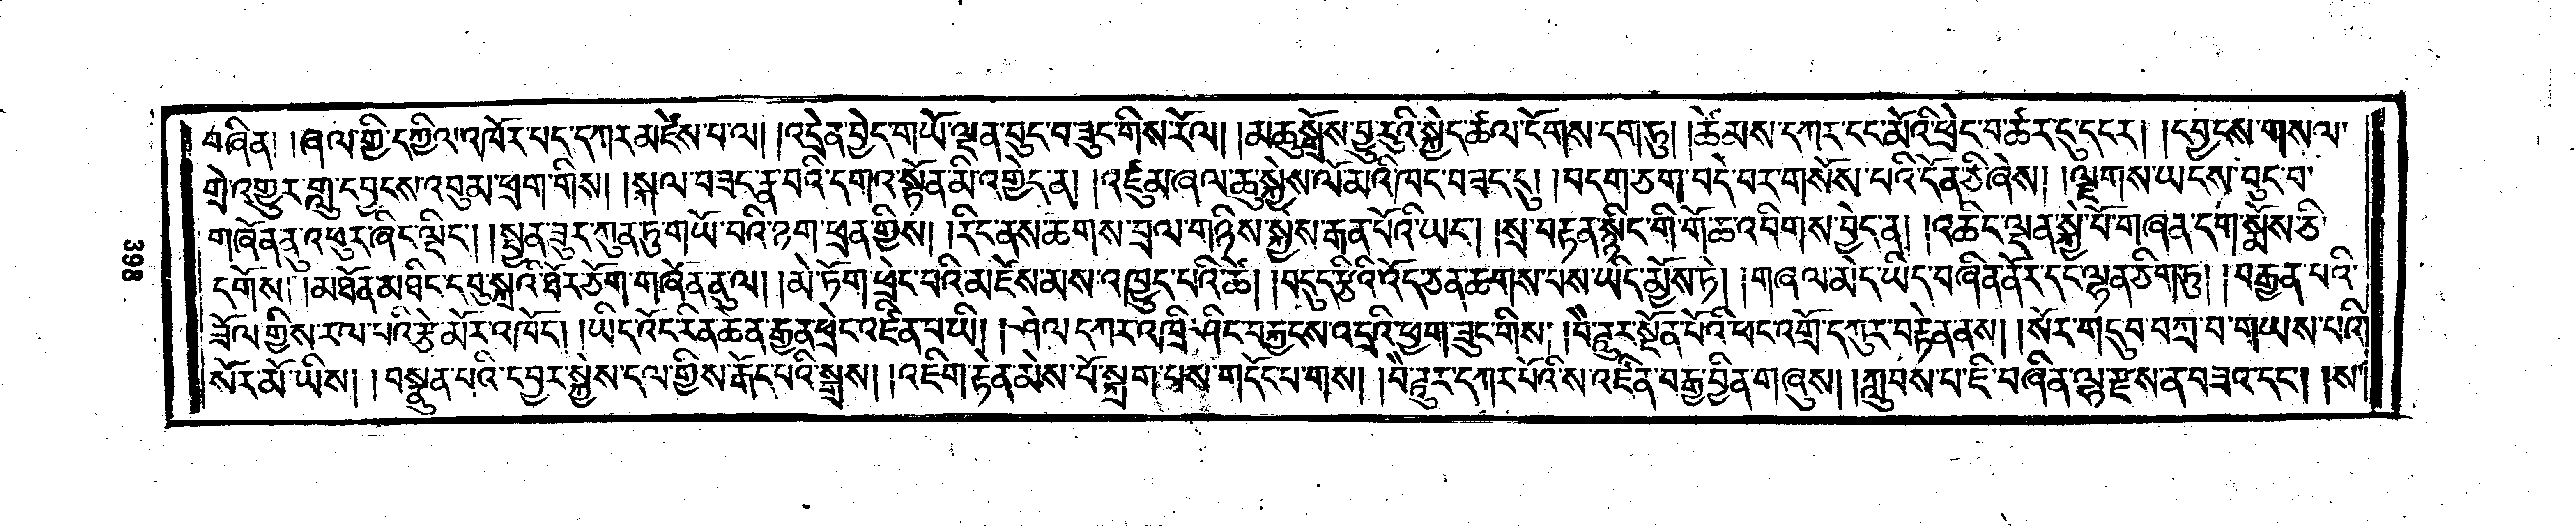བཞིན། །ཞལ་གྱི་དཀྱིལ་འཁོར་པད་དཀར་མཛེས་པ་ལ། །འདྲེན་བྱེད་གཡོན་ལྡན་བུང་བཟུང་གིས་རོལ། །མཆུ་སྒྲོས་བྱུ་རུའི་སྐྱེད་ཚལ་ངོགས་དག་ཏུ། །ཚེམས་དཀར་ངང་མོའི་ཕྲེང་བ་ཚར་དུ་དངར། །དབྱངས་གསལ་
གྲེ་འགྱུར་གླུ་དབྱངས་འབུམ་ཕྲག་གིས། །སྐལ་བཟང་རྣ་བའི་དགའ་སྟོན་མི་འགྱེད་ན། །འཛུམ་ཞལ་ཆུ་སྐྱེས་ལོ་མའི་ཁང་བཟང་དུ། །བདག་ཅག་བདེ་བར་གསོས་པའི་དོན་ཅི་ཞེས། །ལྗགས་ཡངས་བུང་བ་
གཞོན་ནུ་འཕུར་ཞིང་ལྡིང་། །སྤྱན་ཟུར་ཀུན་ཏུ་གཡོ་བའི་ཉག་ཕྲན་གྱིས། །རིང་ནས་ཆགས་བྲལ་གཉིས་སྐྱེས་རྒན་པོའི་ཡང་། །སྲ་བརྟན་སྙིང་གི་གོ་ཆ་འབིགས་བྱེད་ན། །འཆིང་ལྡན་སྐྱེ་བོ་གཞན་དག་སྨོས་ཅི་
དགོས། །མཐོན་མཐིང་དབུ་སྐྲའི་ཐོར་ཅོག་གཞོན་ནུ་ལ། །མེ་ཏོག་ཕྲེང་བའི་མཛེས་མས་འཁྱུད་པའི་ཚེ། །བདུད་རྩིའི་འོད་ཅན་ཆགས་པས་ཡིད་མྱོས་ཏེ། །གཞལ་མེད་ཡིད་བཞིན་ནོར་དང་ལྷན་ཅིག་ཏུ། །བརྒྱན་པའི་
ཟོལ་གྱིས་རལ་པའི་རྩེ་མོར་འཁོད། །ཡིད་འོང་རིན་ཆེན་རྒྱན་ཕྲེང་འཛིན་པ་ཡི། །ཤེལ་དཀར་འཁྲི་ཤིང་བརྐྱངས་འདྲའི་ཕྱག་ཟུང་གིས། །བཻ་ཌཱུར་སྔོན་པོའི་ཕང་འགྲོ་དཀུར་བརྟེན་ནས། །སོར་གདུབ་བཀྲ་བ་གཡས་པའི་
སོར་མོ་ཡིས། །བསྣུན་པའི་དབྱར་སྐྱེས་དལ་གྱིས་རྒོད་པའི་སྒྲས། །འཇིག་རྟེན་མེས་པོ་སྐྲག་པས་གདོང་པ་གས། །བཻ་ཌཱུར་དཀར་པོའི་ས་འཛིན་བརྒྱ་བྱིན་གཞུས། །ཀླུབས་པ་ཇི་བཞིན་ལྷ་རྫས་ན་བཟའ་དང་། །ས་